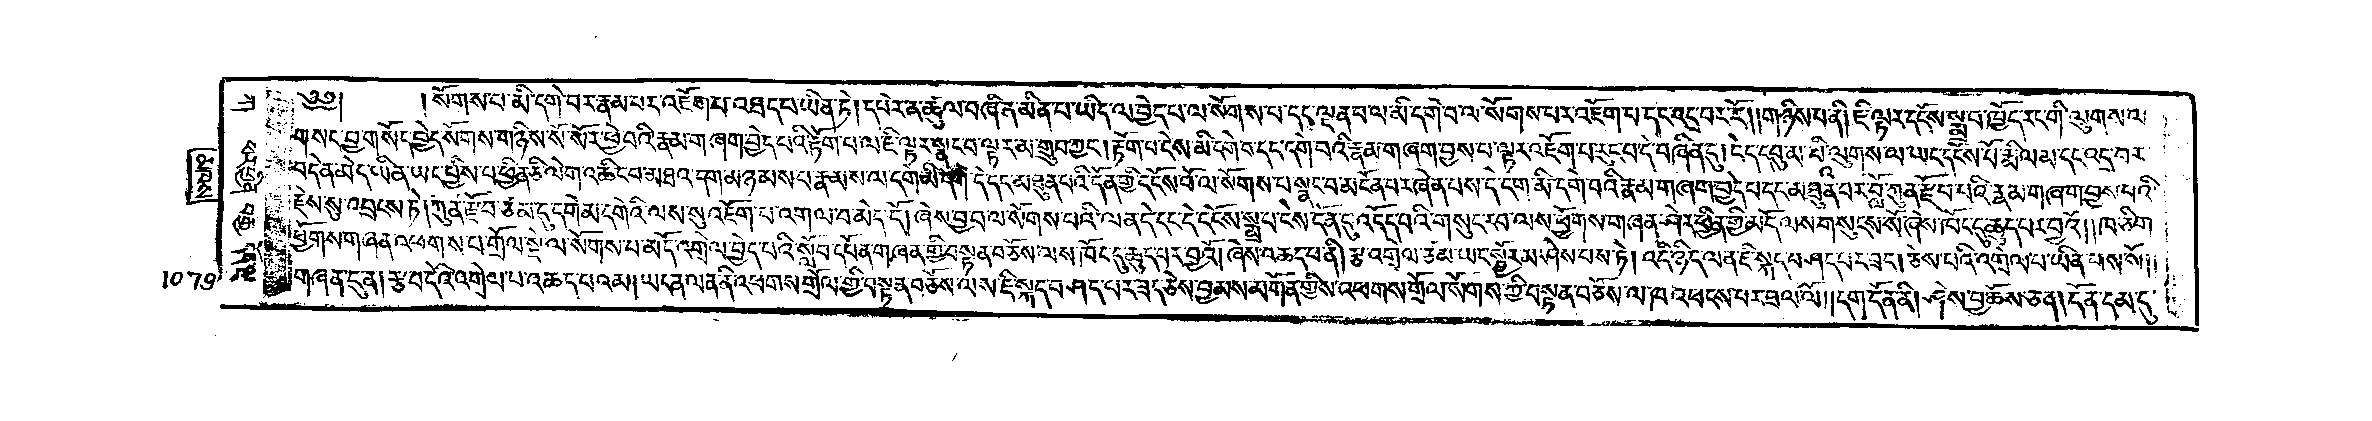༄༅། །སོགས་པ་མི་དགེ་བར་རྣམ་པར་འཇོག་པ་འཐད་པ་ཡིན་ཏེ། དཔེར་ན་ཚུལ་བཞིན་མིན་པ་ཡིད་ལ་བྱེད་པ་ལ་སོགས་པ་དང་ལྡན་པ་ལ་མི་དགེ་བ་ལ་སོགས་པར་འཇོག་པ་དང་འདྲ་བར་རོ། །གཉིས་པ་ནི། ཇི་ལྟར་དངོས་སྨྲ་བ་ཁྱོད་རང་གི་ལུགས་ལ་
གསད་བྱ་གསོད་བྱེད་སོགས་གཉིས་སོ་སོར་ཕྱེ་བའི་རྣམ་གཞག་བྱེད་པའི་རྟོག་པ་ལ་ཇི་ལྟར་སྣང་བ་ལྟར་མ་གྲུབ་ཀྱང་། རྟོག་པ་དེས་མི་དགེ་བ་དང་དགེ་བའི་རྣམ་གཞག་བྱས་པ་ལྟར་འཇོག་པ་རུང་བ་དེ་བཞིན་དུ། ངེད་དབུ་མ་པའི་ལུགས་ལ་ཡང་དངོས་པོ་རྨི་ལམ་དང་འདྲ་བར་
བདེན་མེད་ཡིན་ཡང་བྱིས་པ་ཕྱིན་ཅི་ལེག་འཆིང་བ་མཐའ་དག་མཉམས་པ་རྣམས་ལ་དགེ་མི་དགེ་དེ་དང་མཐུན་པའི་དོན་གྱི་དངོས་པོ་ལ་སོགས་པ་སྣང་བ་མངོན་པར་ཞེན་པས་དེ་དག་མི་དགེ་བའི་རྣམ་གཞག་བྱེད་པ་དང་མཐུན་པར་བློ་ཀུན་རྫོབ་པའི་རྣམ་གཞག་བྱས་པའི་
རྗེས་སུ་འབྲངས་ཏེ། ཀུན་རྫོབ་ཙམ་དུ་དགེ་མི་དགེའི་ལས་སུ་འཇོག་པ་འགལ་བ་མེད་དོ། ཞེས་བྱ་བ་ལ་སོགས་པའི་ལན་དེ་དང་དེ་དངོས་སྨྲ་བ་ངེས་དོན་དུ་འདོད་པའི་གསུང་རབ་ལས་ཕྱོགས་གཞན་ཤེར་ཕྱིན་གྱི་མདོ་ལས་གསུངས་སོ་ཞེས་ཁོང་དུ་ཆུད་པར་བྱའོ། །ཁ་ཅིག་
ཕྱོགས་གཞན་འཕགས་པ་གྲོལ་སྡེ་ལ་སོགས་པ་མདོ་འགྲེལ་བྱེད་པའི་སློབ་དཔོན་གཞན་གྱི་བསྟན་བཅོས་ལས་ཁོང་དུ་ཆུད་པར་བྱའོ། ཞེས་འཆད་པ་ནི། རྩ་འགྲེལ་ཙམ་ཡང་སྦྱོར་མ་ཤེས་པས་ཏེ། འདི་ཉིད་ལན་ཇི་སྐད་བཤད་པར་ཟད། ཅེས་པའི་འགྲེལ་པ་ཡིན་པས་སོ།།
གཞན་དུ་ན། རྩ་བ་དེའི་འགྲེལ་པ་འཆད་པའམ། ཡང་ན་ལན་ནི་འཕགས་གྲོལ་གྱི་བསྟན་བཅོས་ལས་ཇི་སྐད་བཤད་པར་ཟད་ཅེས་བྱམས་མགོན་གྱིས་འཕགས་གྲོལ་སོགས་ཀྱི་བསྟན་བཅོས་ལ་ཁ་འཕངས་པར་ཐལ་ལོ། །དག་དོན་ནི། ཤེས་བྱ་ཆོས་ཅན། དོན་དམ་དུ་